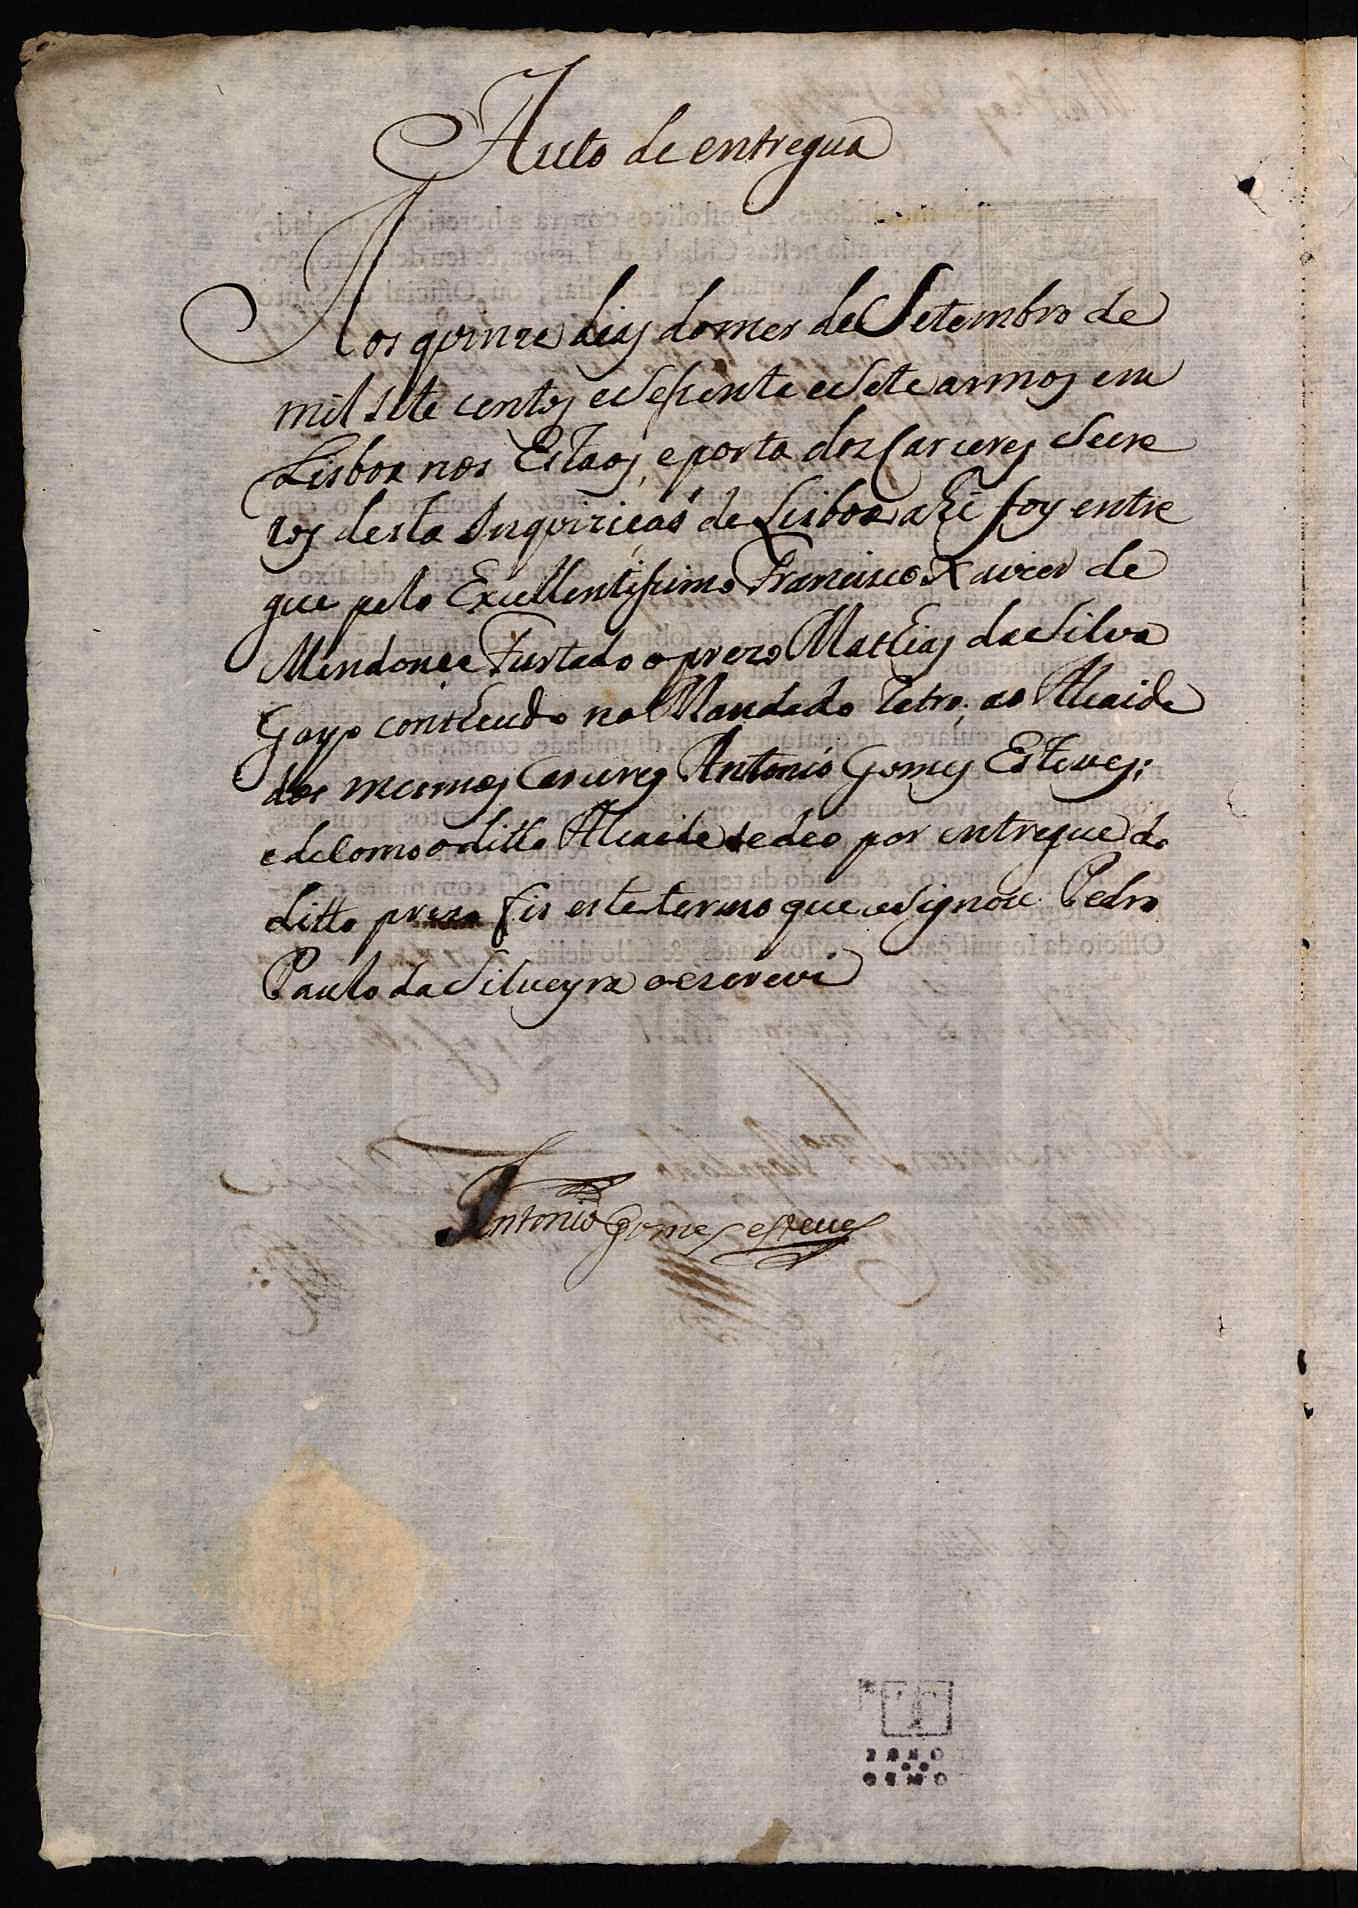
Auto de entregua
Aos quinze dias do mes de Setembro de
mil setecentos e sessenta e sete annos em
Lisboa nos Estaos, e porta dos Carceres Secre
tos desta Inquiziçaõ de Lisboa ahi foy entre
gue pelo Excellentissimo Francisco Xavier de
Mendonça Furtado o prezo Mathias da Silva
Gayo contheudo no Mandado Retro ao Alcaide
dos mesmos Carceres Antonio Gomes Esteves;
e de como o ditto Alcaide se deo por entregue do
ditto prezo fis este termo que asignou Pedro
Paulo da Silueyra o escrevi
Antonio gomes esteues
